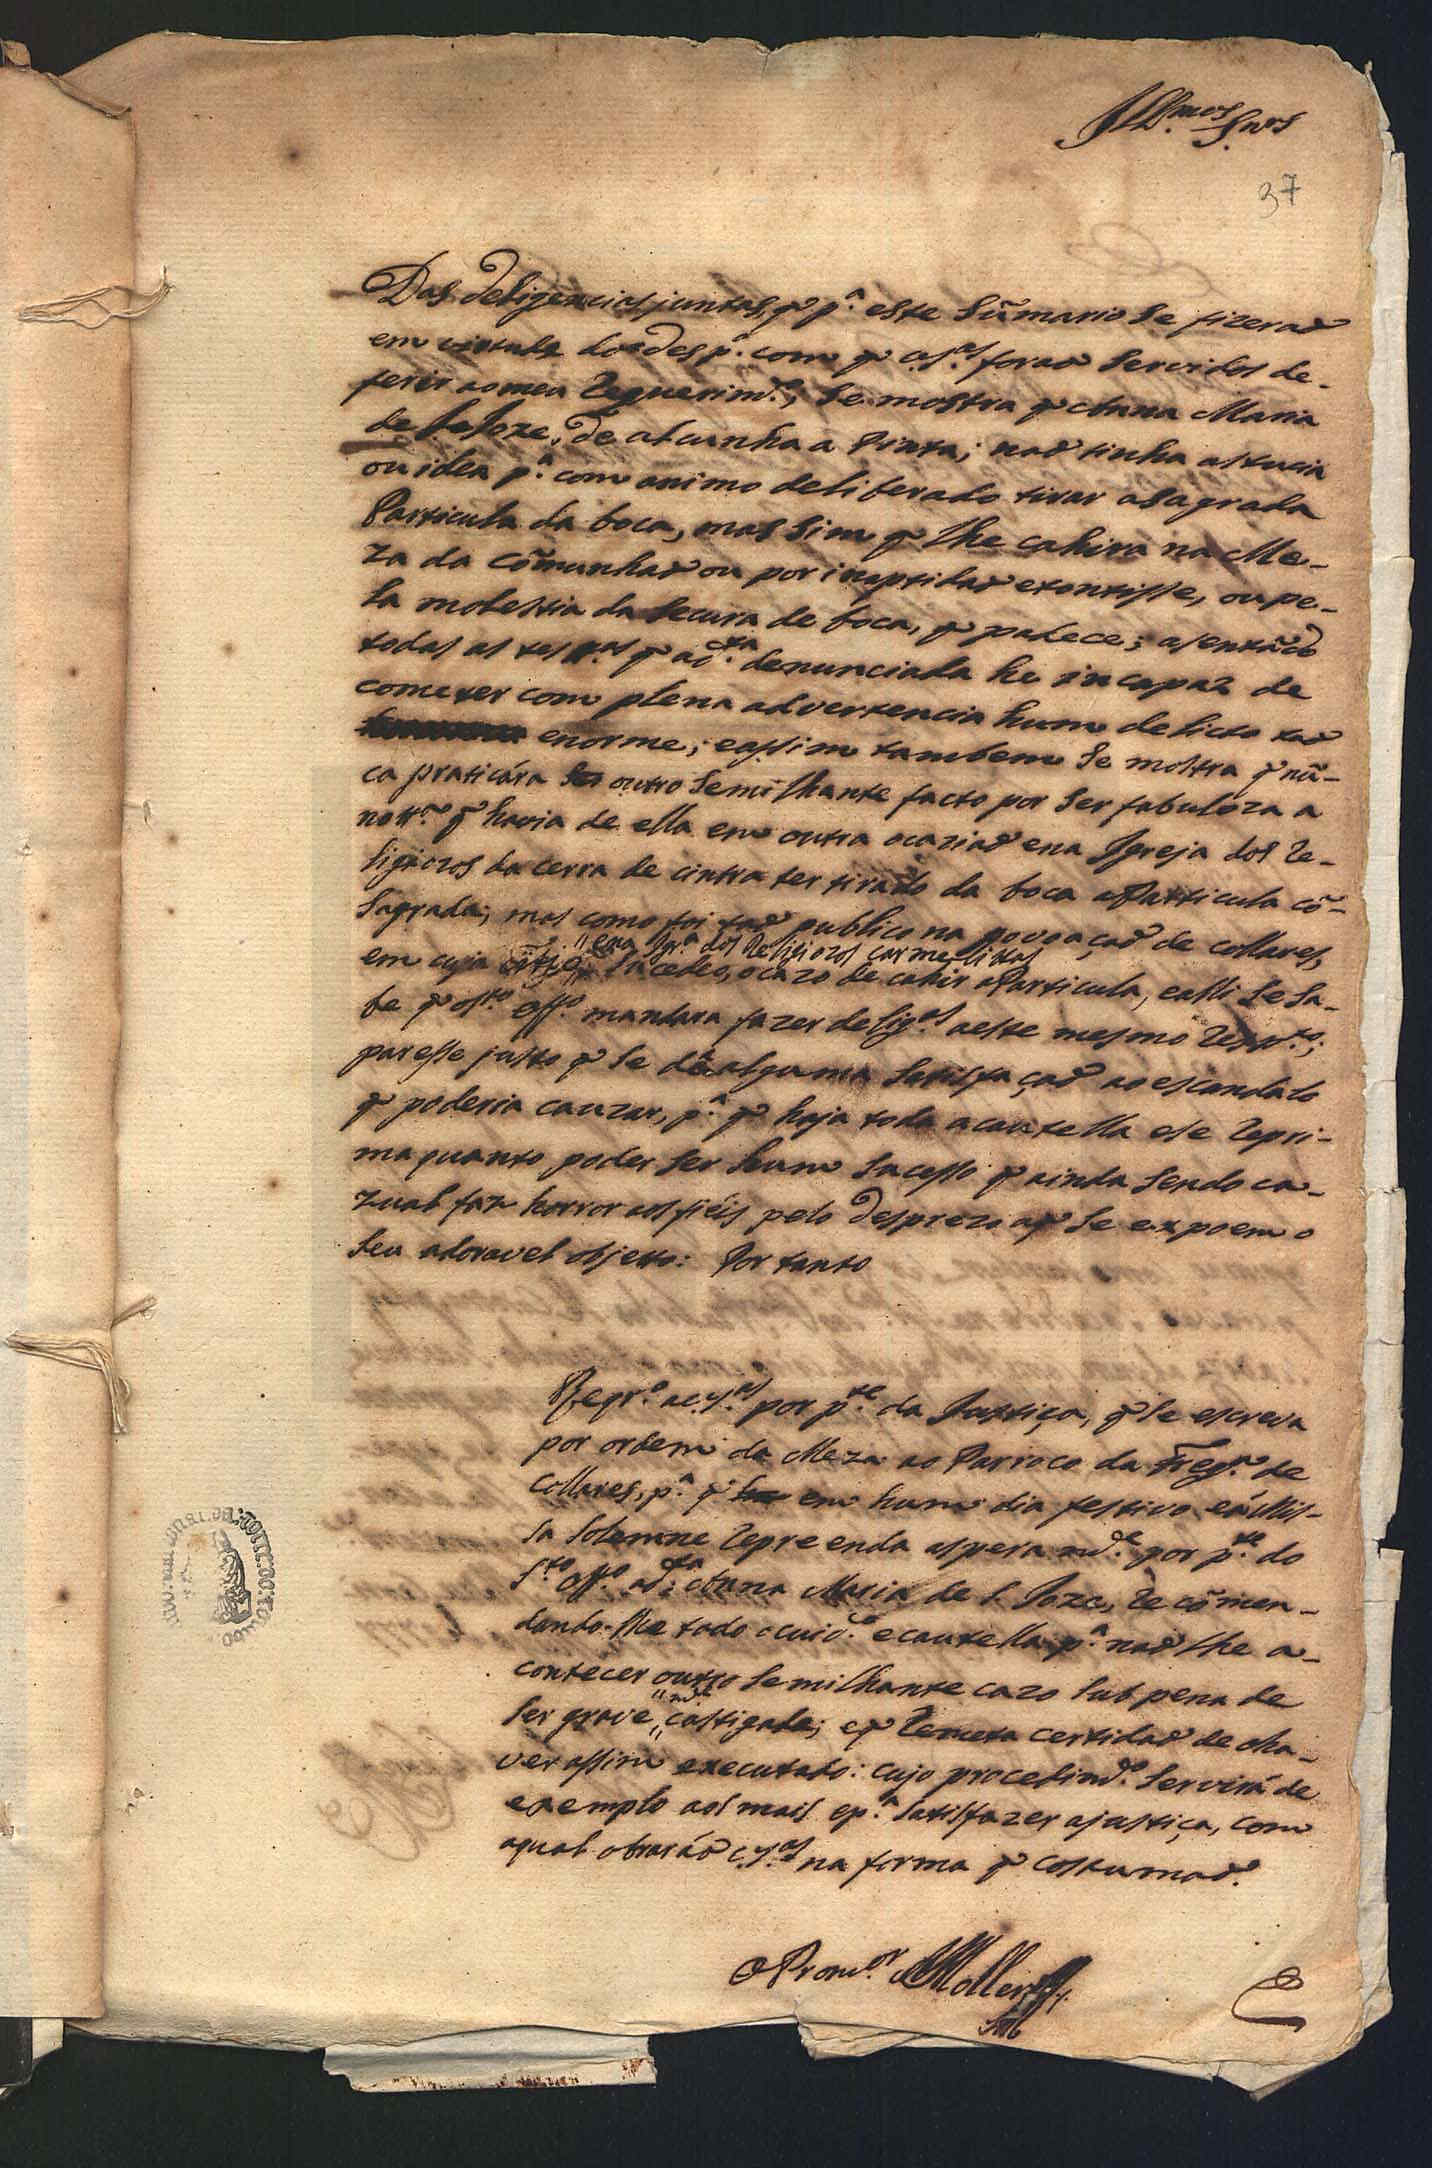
Jll.mos S.nrs
Das deligencias juntas q̄ p.a este sūmario se fizeraõ
em virtude do desp.o como q̄ v. s.as foraõ servidos de
ferir ao meu Requerim.to, se mostra q̄ Anna Maria
de Sa Ioze, de alcunha a Pinta; naõ tinha astucia
ou idea p.a com animo deliberado tirar a sagrada
Particula da boca, mas sim q̄ lhe cahira na Me
za da cōmunhaõ ou por inaptidaõ e tontisse, ou pe
la molestia da secura de boca, q̄ padece; asentādo
todas as test.as q̄ a d.ta denunciada he incapaz de
cometer com plena advertencia hum delicto taõ
enorme; e assim tambem se mostra q̄ nū
ca praticára _ outro semilhante facto por ser fabuloza a
nott.a q̄ havia de ella em outra ocaziaõ e na Igreja dos Re
ligiozos da cerra de cintra ter tirado da boca a Particula cō
Sagrada; mas como foi taõ publico na povoaçaõ de collares,
e na Jgr.a dos Religiozos carmelittas
em cujo citio sucedeo, o cazo de cahir a Particula, e alli se sa
be q̄ o s.to off.o mandara fazer delig.as a este mesmo Resp.to;
paresse justo q̄ se dê alguma satisfaçaõ ao escandalo
q̄ poderia cauzar, p.a q̄ haja toda a cautella e se Repri
ma quanto poder ser hum Sucesso q̄ ainda sendo ca
zual faz horror aos fieis pelo desprezo a q̄ se expoem o
seu adoravel objetto: Portanto
Reqr.o a v s.as por p.te da Iustiça, q̄ se escreva
por ordem da Meza ao Parroco da Freg.a de
collares, p.a q̄ _ em hum dia festivo e á Mis
sa solemne Repreenda asperam.te por p.te do
s.to off.o a d.a Anna Maria de S. Ioze, recōmen
dando-lhe todo o cuid.o e cautella p.a naõ lhe a
contecer outro semilhante cazo sub pena de
ser gravem.te castigada; e q̄ Remeta certidaõ de o ha
ver assim executado: cujo procedim.to servirá de
exemplo aos mais e p.a satisfazer a justiça, com
a qual obraraõ v. s.as na forma q̄ costumaõ
O Prom.or Moller
E
